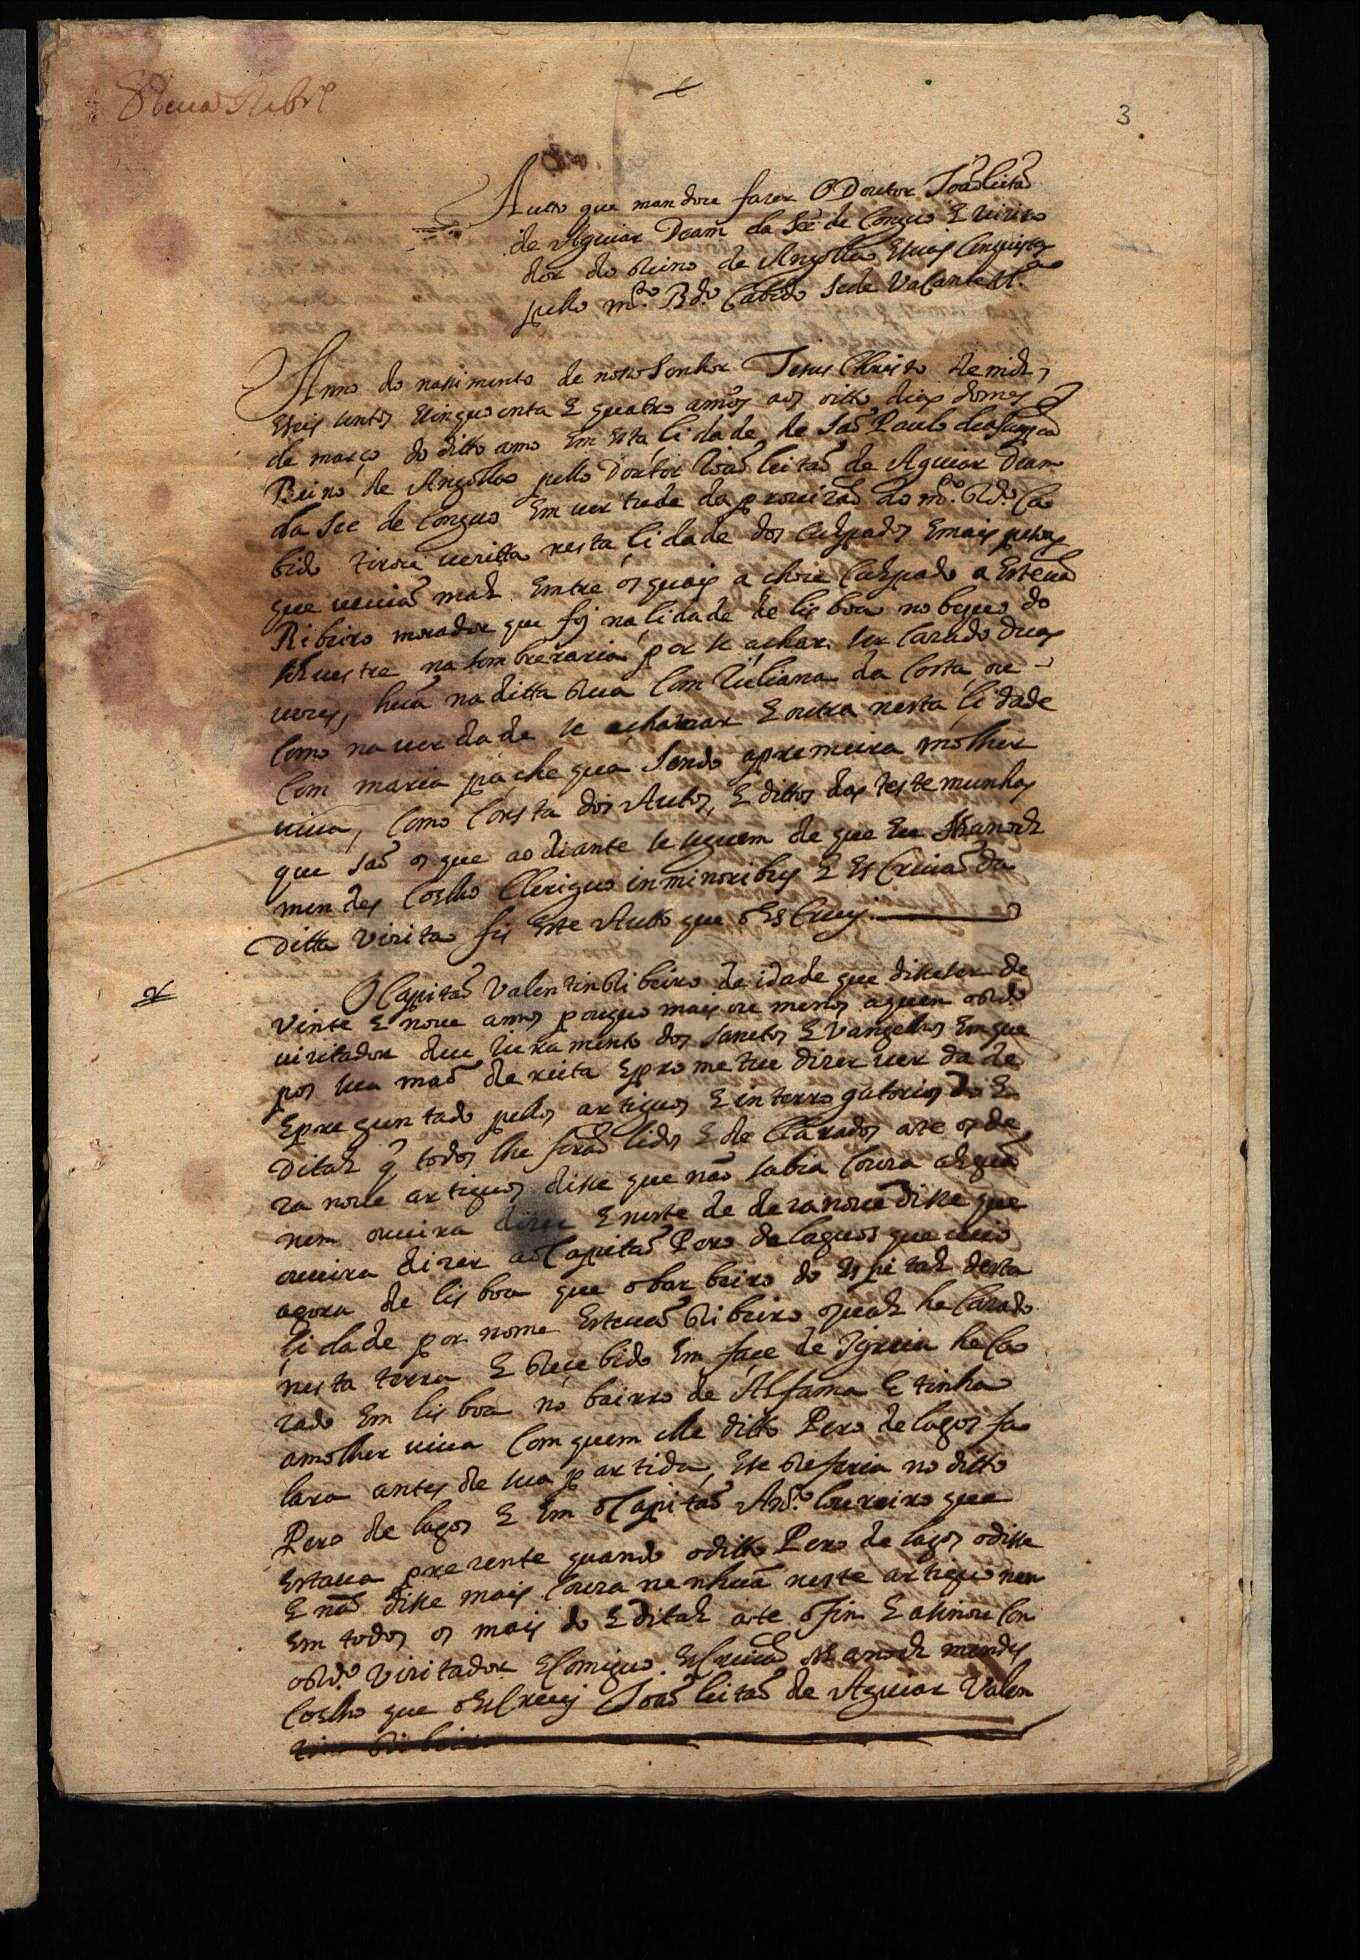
Esteuā Ribr.o
Autto que mandou fazer O Doutor Ioão leitaõ
de Aguiar Deam da Seé de Conguo E vizita
dor do Reino de Angolla E suas Conquistas
pello m.to R.do Cabido Sede Vacante tt.a
Anno do nascimento de nosso Senhor Iesus Christo de mil
E seiscentos E cinquoenta E quatro annos aos oitto dias do mes
de março do ditto anno Em Esta Cidade de Saõ Paulo de Asunpçā
Reino de Angolla pello Doutor Ioaõ leitaõ de Aguiar Deam
da See de Conguo Em uertude da prouizaõ do m.to Rd.o Ca
bido tirou uezitta nesta Cidade dos culpados E mais pesoas
que uiuiaõ mal Emtre os quaes achou Culpado a Esteuā
Ribeiro morador que foj na Cidade de lisboa no bequo do
Siluestre na sombreraria por se achar ser Cazado duas
uezes, huā na ditta Rua Com Iuliana da Costa, ou
Como na uerdade se chamar, E outra nesta Cidade
Com maria pachequa Sendo a premeira molher
uiua, Como Consta dos Autos, E dittos das testemunhas
que saõ os que ao diante se seguem de que Eu Manoel
mendes Coelho Cleriguo in minoribus E EsCriuaõ da
ditta vizita fis Este Autto que o EsCreuj.
O Capitaõ Valentin Ribeiro de idade que disse ser de
vinte E noue annos pouquo mais ou menos a quen o Rdo
uizitador deu Iuramento dos Sanctos EVangelhos Em que
pos sua maõ dereita E prometeu dizer uerdade
E preguntado pellos artiguos E interrogatorios do E
dital q̄ todos lhe forão lidos E declarados ate os de
zanoue artiguos disse que não sabia Couza alguā
nem ouuira dizer, E neste de dezanoue disse que
ouuira dizer ao Capitaõ Pero de laguos que ueio
agora de lisboa que o barbeiro do Espital desta
Cidade por nome Esteuaõ Ribeiro, o qual he Cazado
nesta terra E Recebido em face de Igreia he Ca
zado Em lisboa no bairro de Alfama E tinha
a molher uiua Com quem elle ditto Pero de lagos fa
lara antes de sua partida, E se Referia no ditto
Pero de lagos E Em o Capitaõ An.to loureiro que
Estaua prezente quando o ditto Pero de lagos o disse
E não disse mais Couza nenhuā neste artiguo nem
Em todos os mais do Edital ate o fim E asinou Con
o R.do Vizitador e Comiguo EsCriuaõ Manoel mendes
Coelho que o EsCreuj Ioaõ Leitaõ de Aguiar Valen
